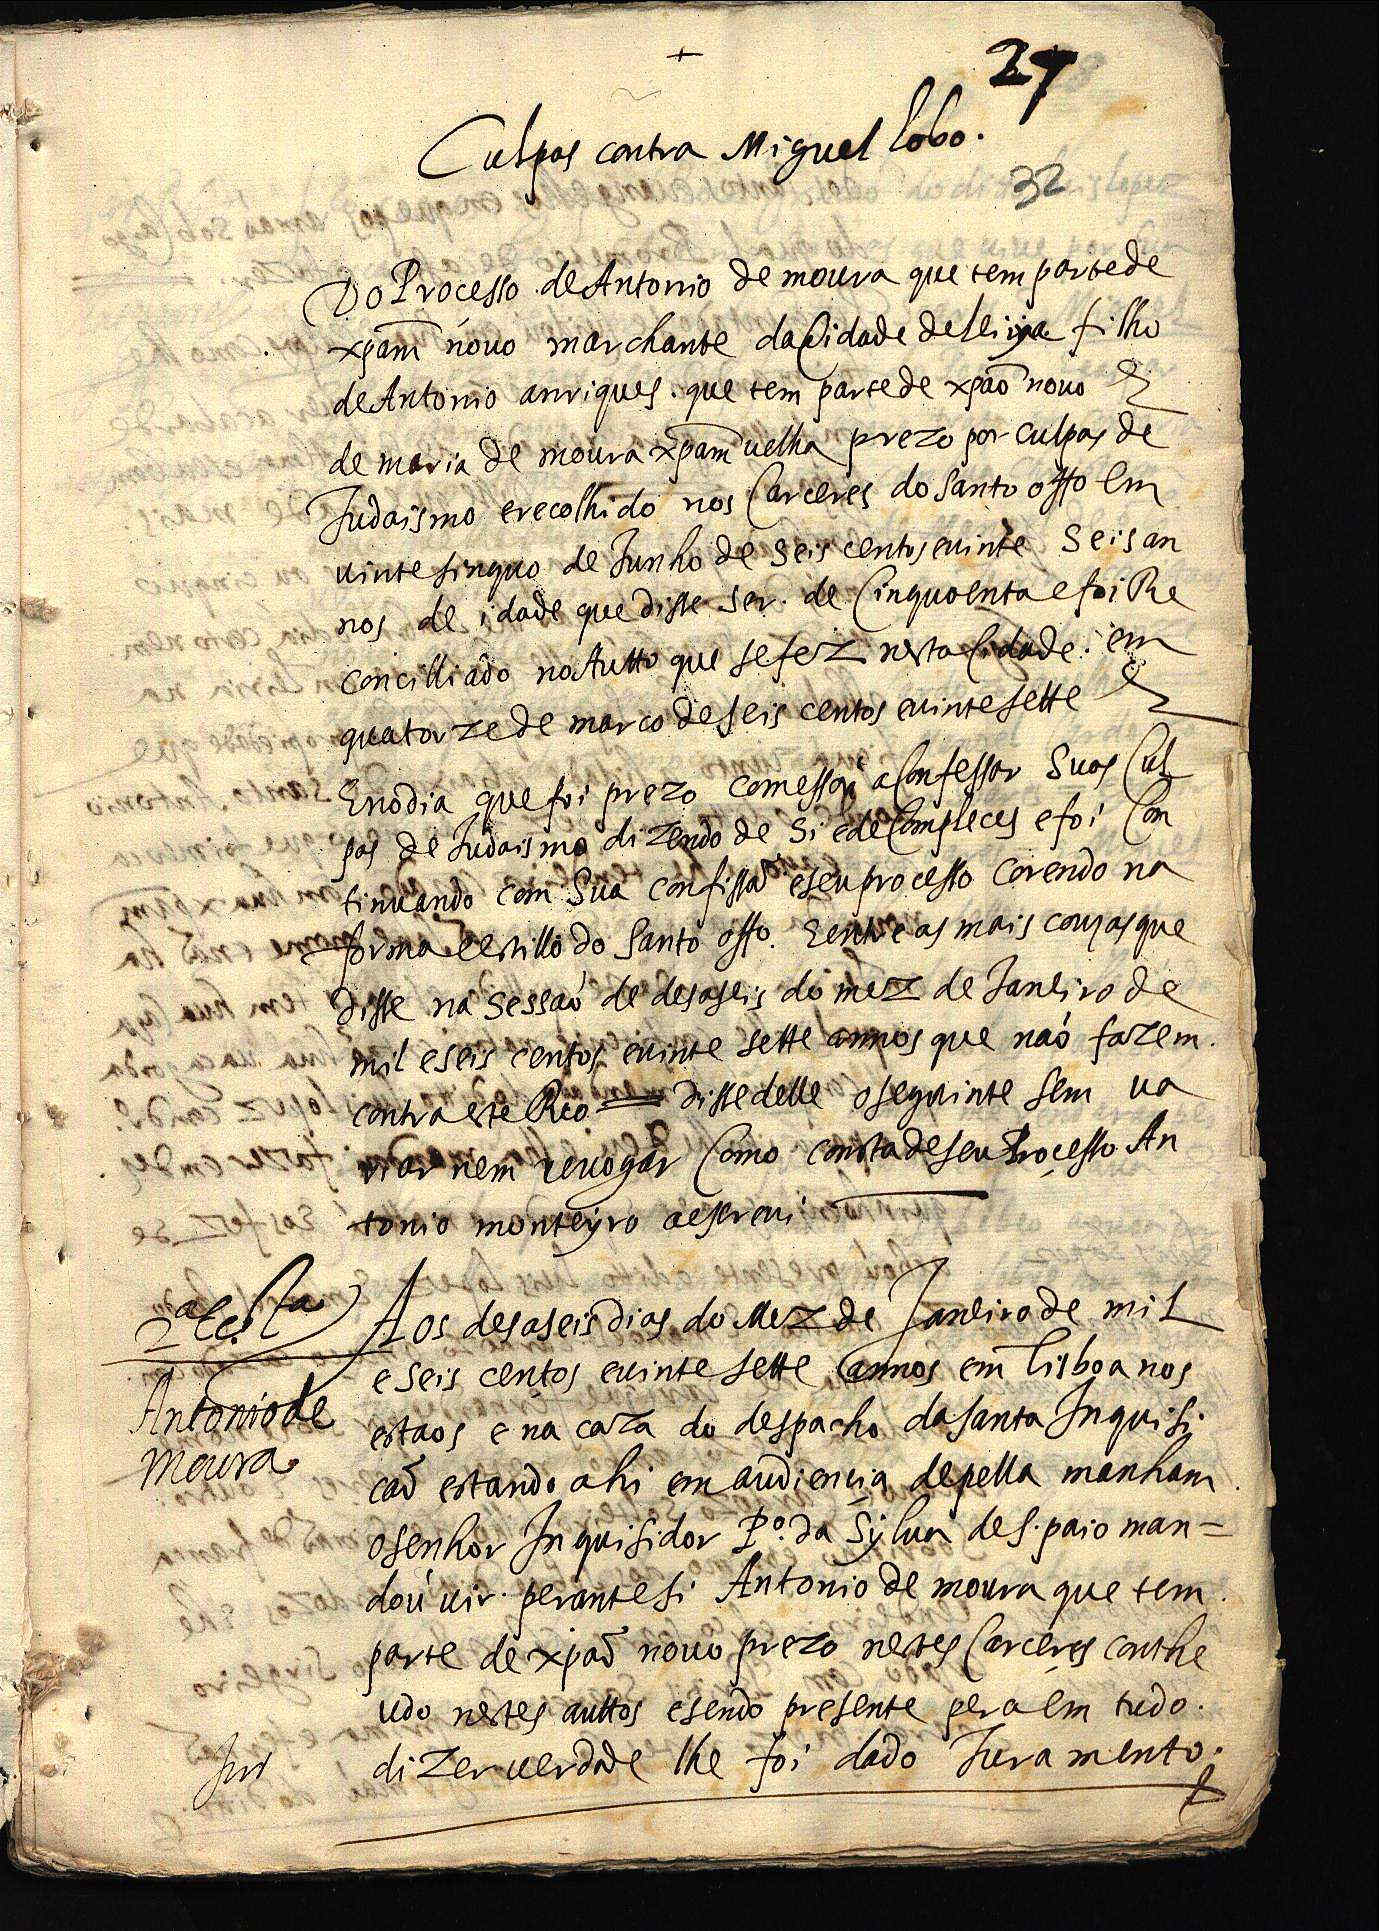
2a testa
Antonio de
moura
Jur
Culpas contra Miguel Lobo
Do Processo de Antonio de moura que tem parte de
xpām nouo marchante da Cidade de Leirya filho
de Antonio anriques. que tem parte de xpão nouo E
de maria de moura xp̄am uelha prezo por culpas de
Judaismo e recolhido nos Carceres do Santo offo em
uinte sinquo de Junho de Seiscentos e uinte Seis an
nos de idade que disse ser. de Cinquoenta e foi Re
concilliado no Autto que se fez nesta Cidade. em
quatorze de março de seiscentos e uinte sette E
E no dia que foi prezo comessou Confessar Suas CuL
pas de Judaismo dizendo de Si e de Compleces e foi Con
tinuando com Sua confissaõ e seu processo corendo na
forma e estillo do Santo offo. E entre as mais couzas que
disse na sessaõ de desaseis do mez de Janeiro de
mil e seiscentos e uinte sette annos que naõ fazem
contra este Reo = disse delle o seguinte sem ua
riar nem reuogar Como consta de seu Processo An
tonio monteyro o escreui
Aos desaseis dias do Mez de Janeiro de miL
e Seiscentos e uinte sette annos em lisboa nos
estaos e na caza do despacho da santa Jnquisi
ção estando ahi em audiençia de pella manham
o senhor Jnquisidor Po. da Sylua de s. paio man
dou uir perante si Antonio de moura que tem
parte de xpaõ nouo prezo nestes Carceres conthe
udo nestes auttos e sendo presente pera em tudo
dizer uerdade lhe foi dado Juramento.
